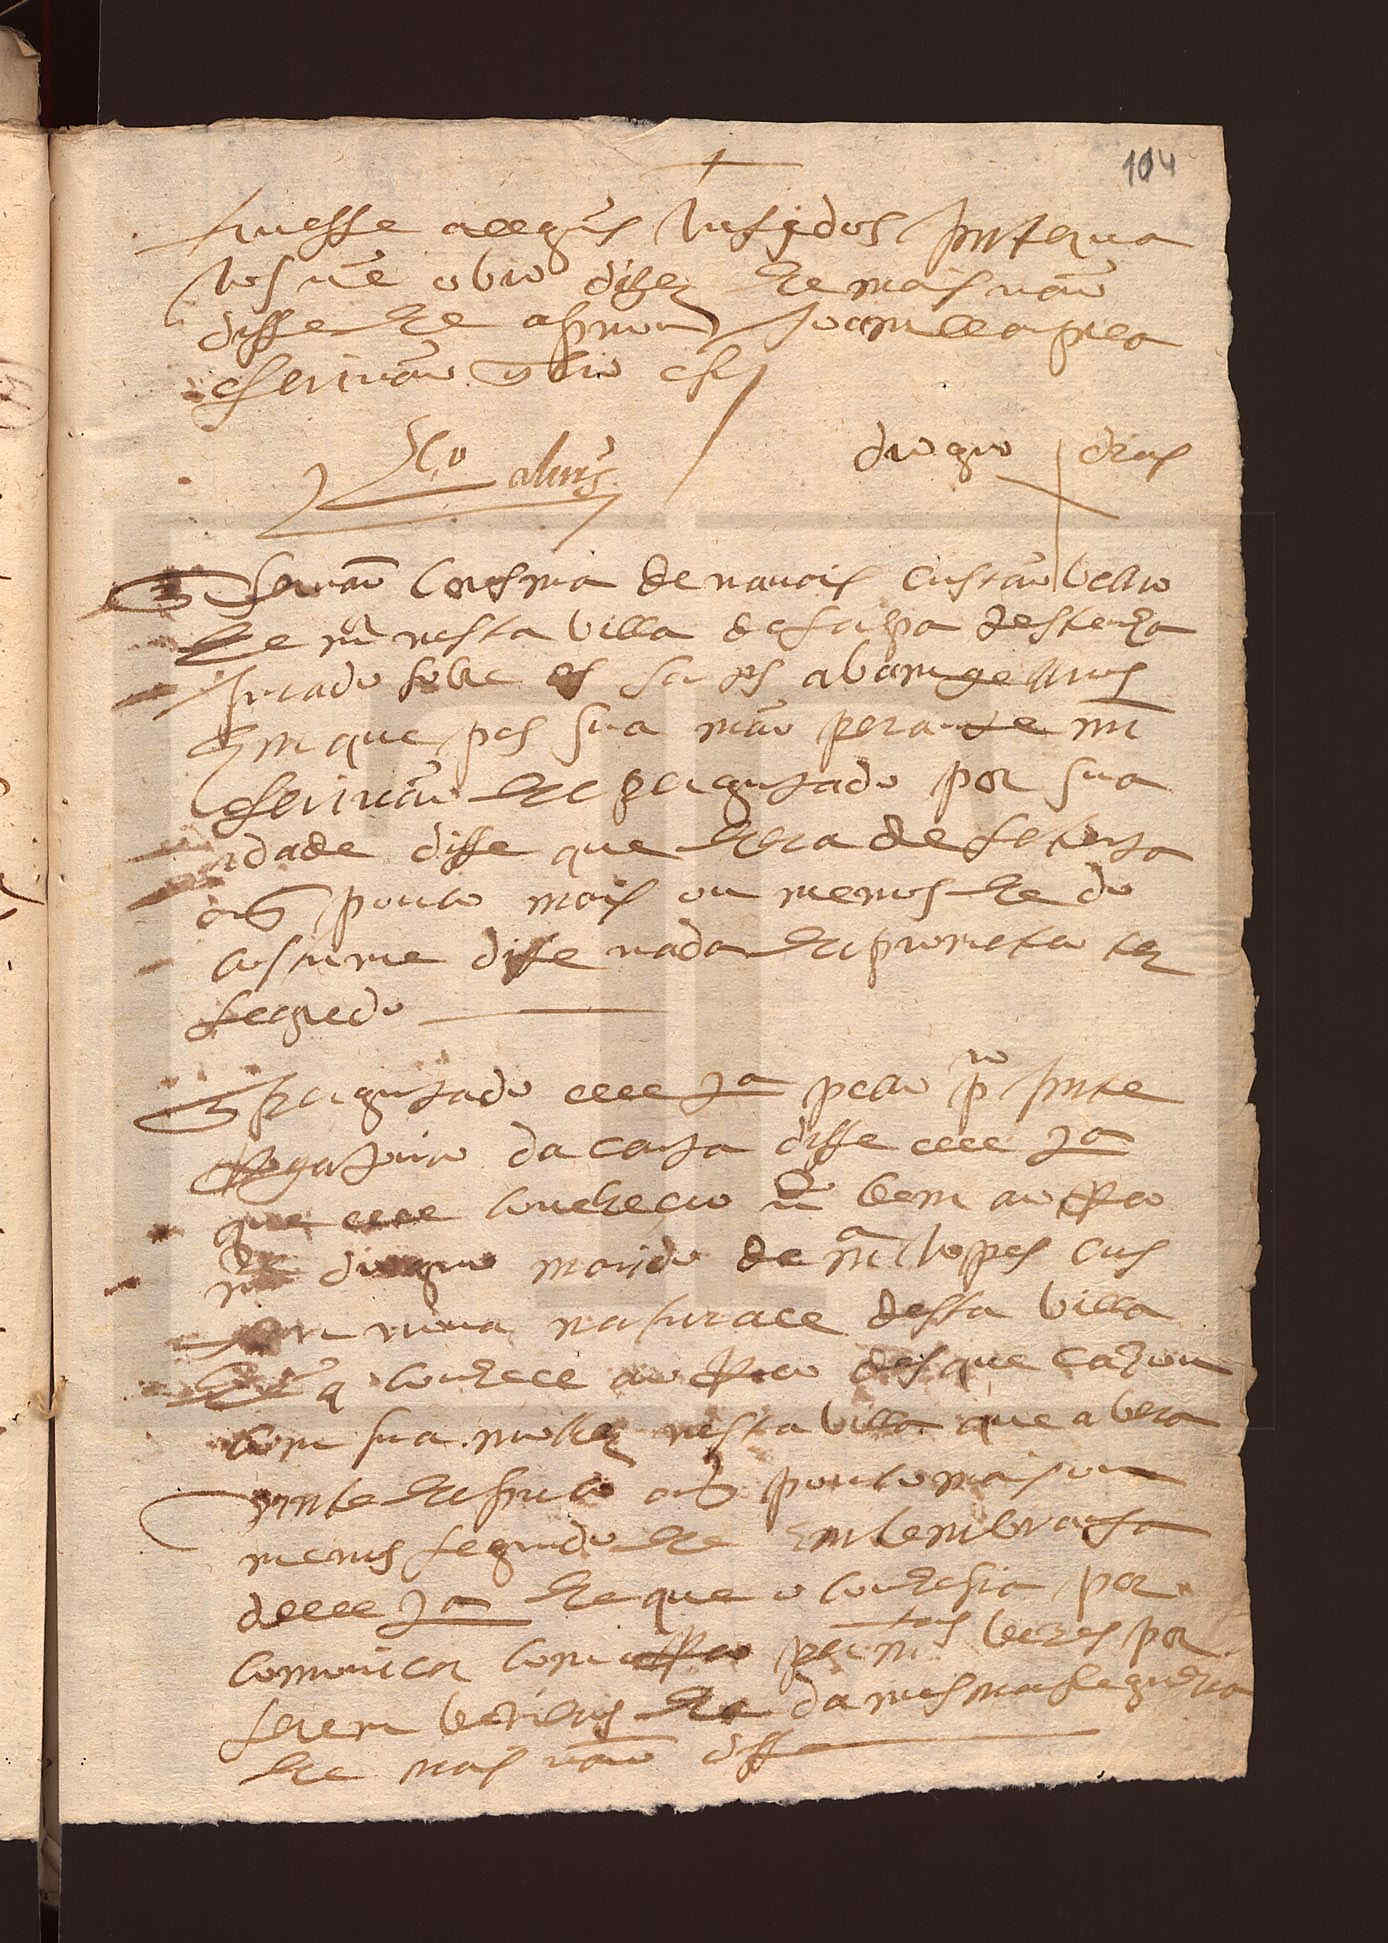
tiuesse allgūs lusidos Jmterua
los nē ovio dizer he mais não
disse he assinou Joam llanprea
escriuão q̄ ho esrj
item fernão Coresma de nauais cristão velho
he mor nesta villa de serpa testenha
Jurado sobre os santos avamgelhos
Em que pos sua mão perante mī
escriuão he pergutado por sua
idade disse que hera de setenta
ans pouco mais ou menos he do
costume disse nada he prometeo ter
segredo
item pergutado elle ta pello pro Jmte
Rogatoiro da carta disse elle ta
que elle conheçeo mto bem ao Reo
mte dioguo marido de ma lopes cris
tam noua naturall desta villa
he q̄ conhece ao Reo des que cazou
com sua molher nesta villa que avera
vinte he sinco ans̄ pouco mais ou
menus segundo he em lembransa
delle ta he que o conhesia por
comunicar com o Reo per mtas vezes por
serem vezinhos he da mesma freguezia
he mais não disse
